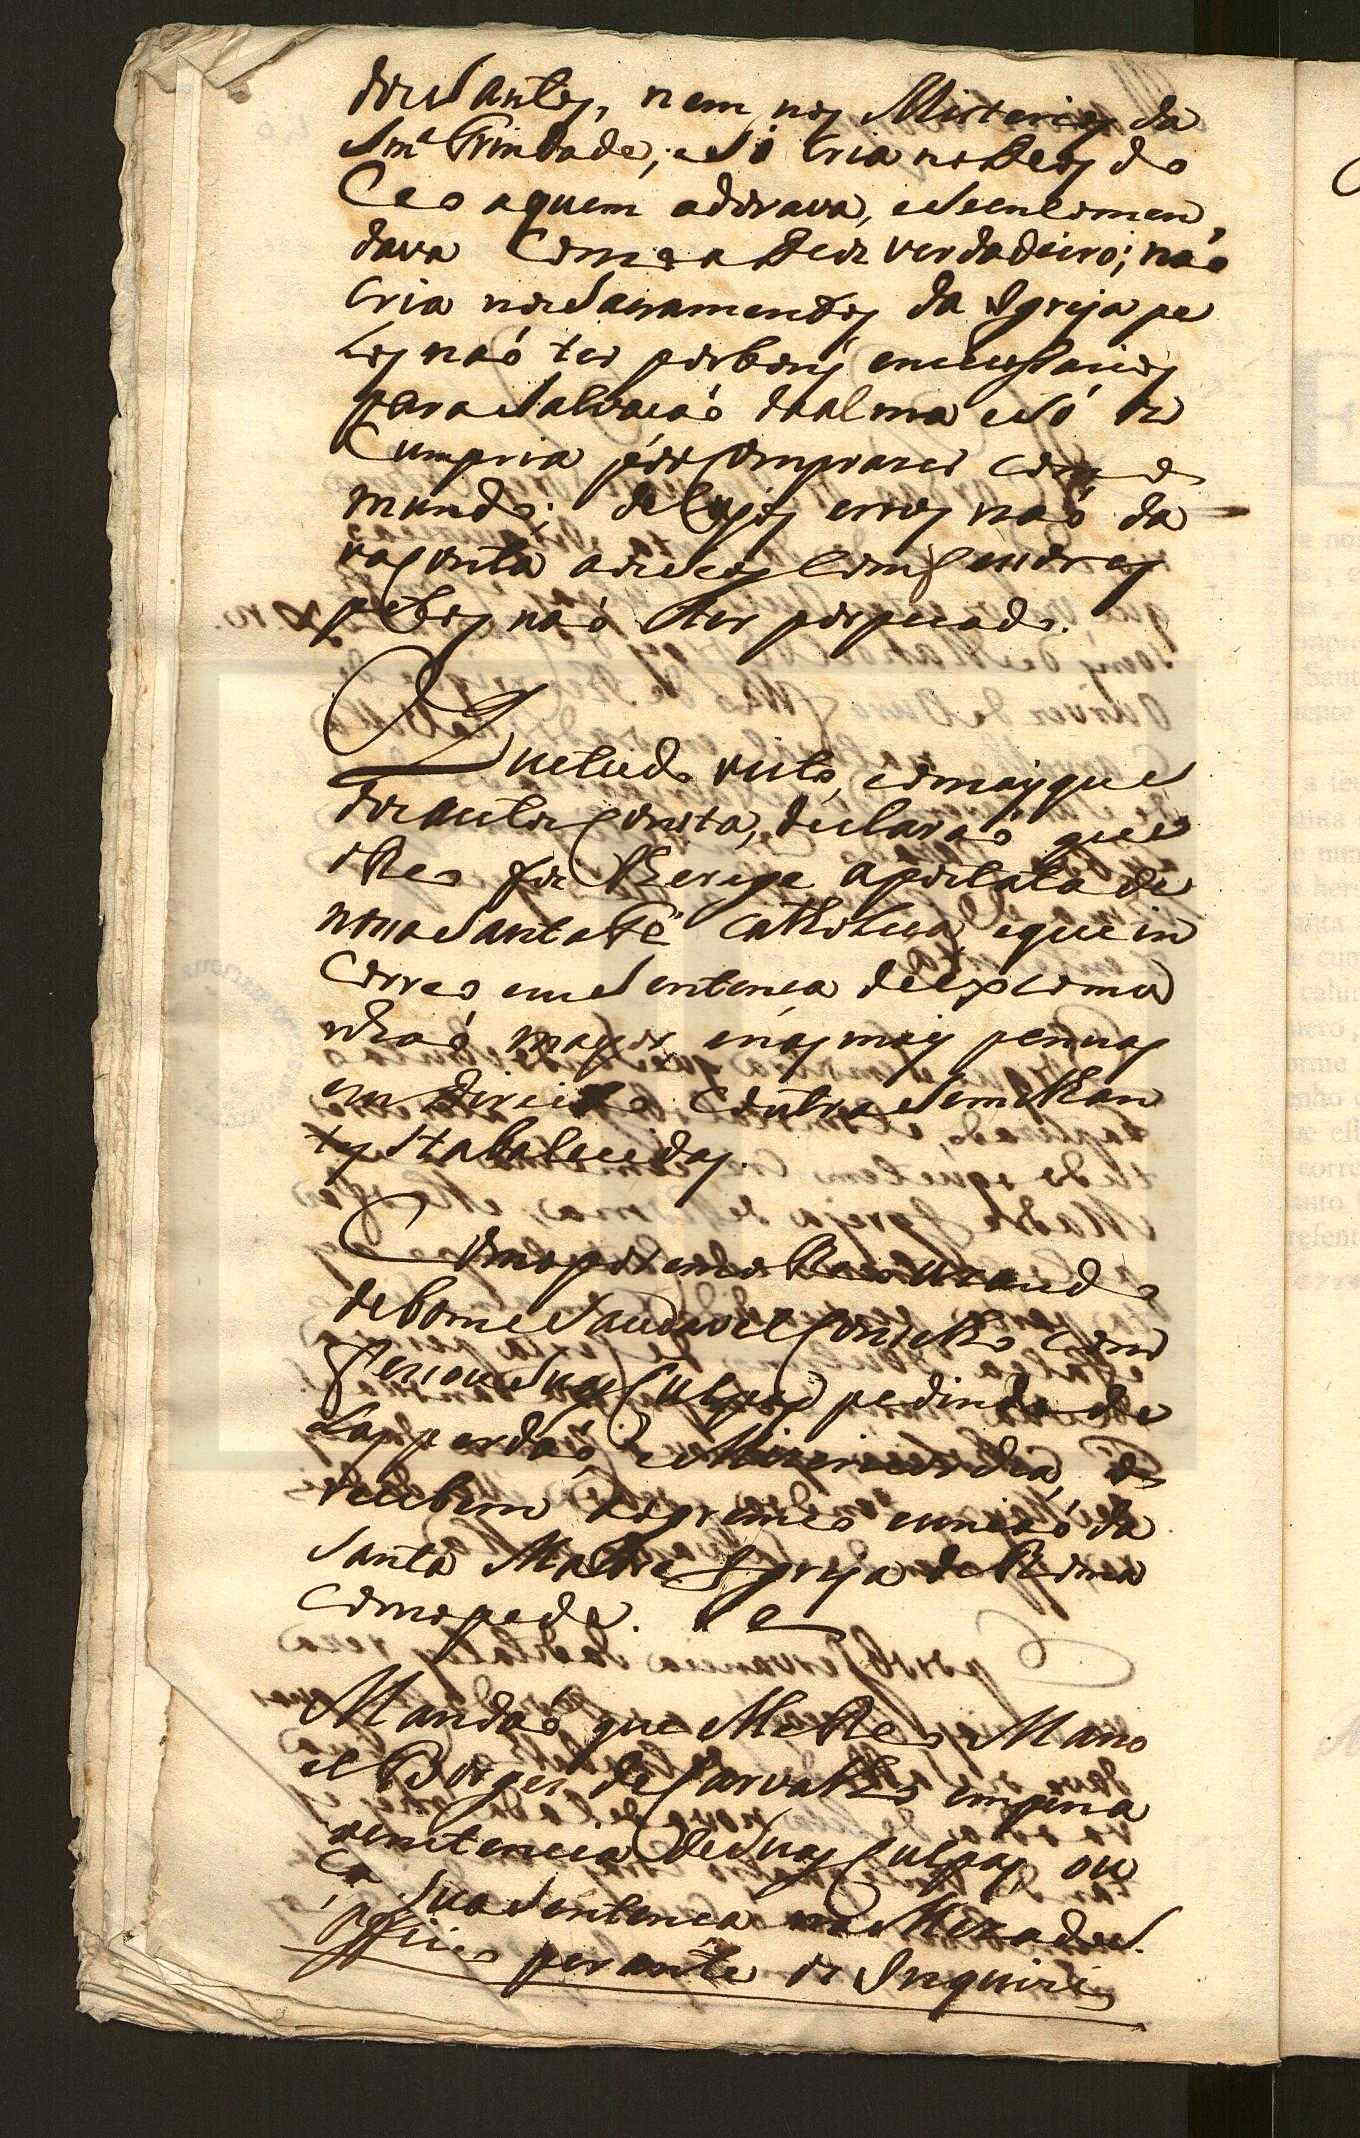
dos Santos, nem nos Misterios da
Sma Trindade; e só Cria no Deos do
Ceo a quem adorava, e se encomen
dava como a Deos verdadeiro; naõ
cria nos Sacramentos da Igreja pe
los naõ ter por bons e necessarios
para Salvaçaõ da alma, e só oz
Cumpria por Comprazer com o
mundo; de Cujos erros naõ da
va Conta aos seos comfessores
pelos naõ ter por pecado.
O Que tudo visto, e o mais que
dos autos Consta, declaraõ, que
o Reo foi Herege apostata de
nossa Santa Fé catholica, e que in
Correo em Sentença de Excomu
nhaõ mayor, e nas mais pennas
em Direito Contra Semilhan
tes stabalecidas.
Como porem o Reo uzando
de bom e Saudavel Conselho com
fessou suas Culpas pedindo de
Las perdaõ, e Mizericordia, os
recebem ao gremeo e uniaõ da
santa Madre Jgreja de Roma
como pede.
Mandaõ que elle Reo Mano
el Borges de Carvalho em pena
penitencia de suas Culpas, ou
ça sua sentença na Meza do S.
Officio perante os Inquizi
